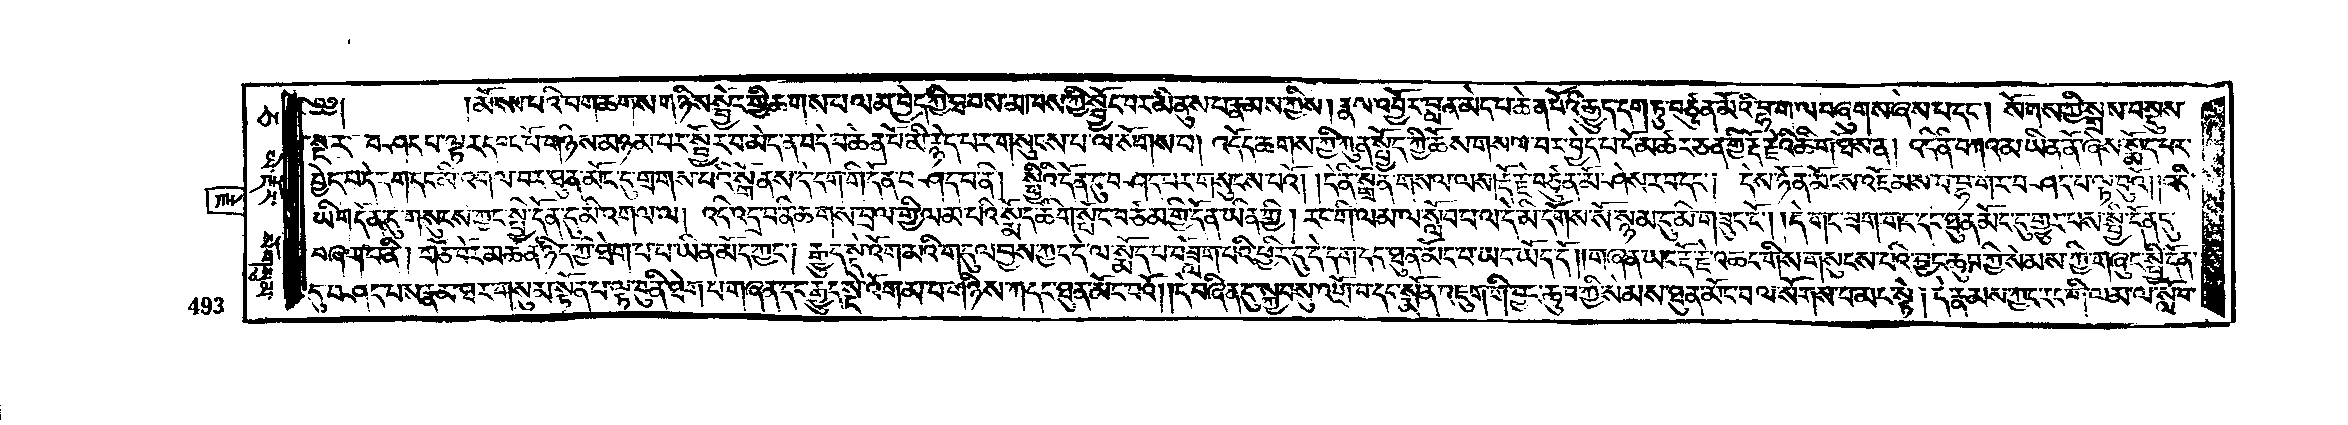༄༅། །མོངས་པའི་བག་ཆགས་གཉིས་སྦྱོར་གྱི་ཆགས་པ་ལམ་བྱེད་ཀྱི་ཐབས་མཁས་ཀྱི་སྦྱོང་བར་མི་ནུས་པ་རྣམས་ཀྱིས། རྣལ་འབྱོར་བླ་ན་མེད་པ་ཆེན་པོའི་རྒྱུད་དག་ཏུ་བཙུན་མོའི་བྷ་ག་ལ་བཞུགས་ཞེས་པ་དང་། སོགས་ཀྱི་སྒྲས་བསྡུས་
པ་སྔར་བཤད་པ་ལྟར་དབང་པོ་གཉིས་མཉམ་པར་སྦྱོར་བ་མེད་ན་བདེ་བ་ཆེན་པོ་མ་རྙེད་པར་གསུངས་པ་ལ་སོགས་པ། འདོད་ཆགས་ཀྱི་ཀུན་སྤྱོད་ཀྱི་ཆོས་གསལ་བར་བྱེད་པ་ངོ་མཚར་ཅན་གྱི་རྡོ་རྗེའི་ཚིག་ཐོས་ན། འདི་ནི་བཀའ་མ་ཡིན་ནོ་ཞེས་སྨོད་པར་
བྱེད་པ་དེ་དག་དང་མི་འགལ་བར་ཐུན་མོང་དུ་གྲགས་པའི་སྒོ་ནས་དེ་དག་གི་དོན་བཤད་པ་ནི། སྤྱིའི་དོན་དུ་བཤད་པར་གསུངས་པའོ། །དེ་ནི་སྒྲོན་གསལ་ལས། རྡོ་རྗེ་བཙུན་མོ་ཤེས་རབ་དང་། དེས་ཉོན་མོངས་འཇོམས་པ་བྷ་གར་བཤད་པ་ལྟ་བུའོ། །འདི་
ཡིག་དོན་དུ་གསུངས་ཀྱང་སྤྱི་དོན་དུ་མི་འགལ་ལ། འདི་འདྲ་བ་ནི་ཆགས་བྲལ་གྱི་ལམ་པའི་སྨོད་ཚིག་སྤོང་བ་ཙམ་གྱི་དོན་ཡིན་གྱི། རང་གི་ལམ་ལ་སློབ་པ་ལ་དེ་མི་དགོས་སོ་སྙམ་དུ་མི་གཟུང་ངོ། །དེ་གང་ཟག་གང་དང་ཐུན་མོང་དུ་གྱུར་པས་སྤྱི་དོན་དུ་
བཞག་པ་ནི། གཙོ་བོར་མཚན་ཉིད་ཀྱི་ཐེག་པ་པ་ཡིན་མོད་ཀྱང་། རྒྱུད་སྡེ་འོག་མའི་གདུལ་བྱས་ཀྱང་དེ་ལ་སྨོད་པ་བཟློག་པའི་ཕྱིར་དུ་དེ་དག་དང་ཐུན་མོང་པ་ཡང་ཡོད་དོ། །གཞན་ཡང་རྡོ་རྗེ་འཆང་གིས་གསུངས་པའི་བྱང་ཆུབ་ཀྱི་སེམས་ཀྱི་གཞུང་སྤྱི་དོན་
དུ་བཤད་པས་རྣམ་ཐར་གསུམ་སྟོན་པ་ལྟ་བུ་ནི་ཐེག་པ་གཞན་དང་རྒྱུད་སྡེ་འོག་མ་པ་གཉིས་ཀ་དང་ཐུན་མོང་བའོ། །དེ་བཞིན་དུ་སྐྱབས་སུ་འགྲོ་བ་དང་སྨོན་འཇུག་གི་བྱང་ཆུབ་ཀྱི་སེམས་ཐུན་མོང་བ་ལ་སོགས་པ་མང་སྟེ། དེ་རྣམས་ཀྱང་རང་གི་ལམ་ལ་སློབ་